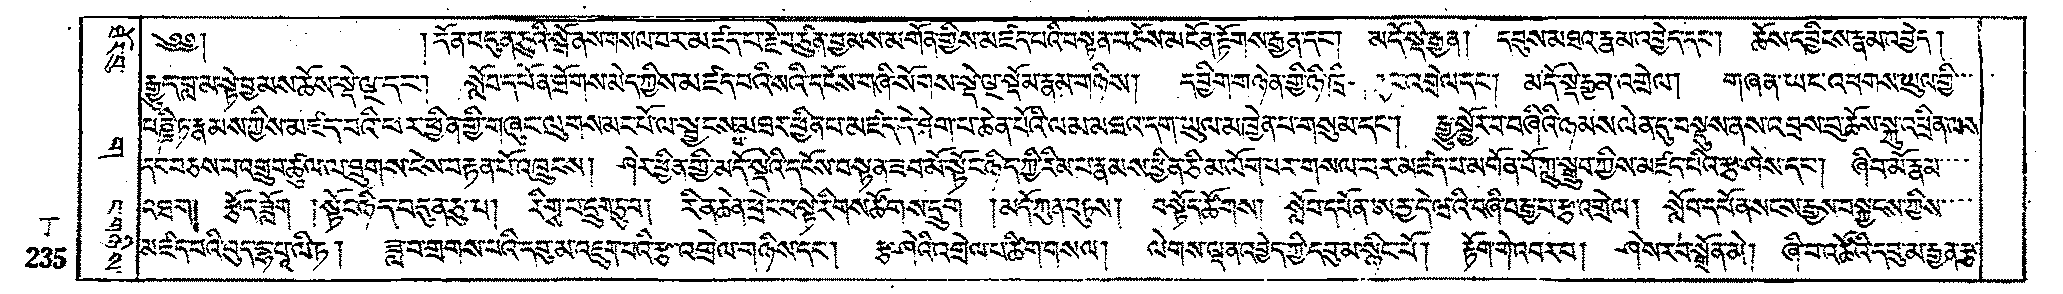༄༅། །དོན་བདུན་ཅུའི་སྒོ་ནས་གསལ་བར་མཛད་པ་རྗེ་བཙུན་བྱམས་མགོན་གྱིས་མཛད་པའི་བསྟན་བཅོས་མངོན་རྟོགས་རྒྱན་དང་། མདོ་སྡེ་རྒྱན། དབུས་མཐའ་རྣམ་འབྱེད་དང་། ཆོས་དབྱིངས་རྣམ་འབྱེད།
རྒྱུད་བླ་མ་སྟེ་བྱམས་ཆོས་སྡེ་ལྔ་དང་། སློབ་དཔོན་ཐོགས་མེད་ཀྱིས་མཛད་པའི་སའི་དངོས་གཞི་སོགས་སྡེ་ལྔ་སྡོམ་རྣམ་གཉིས། དབྱིག་གཉེན་གྱི་ཉི་ཁྲི་གཞུང་འགྲེལ་དང་། མདོ་སྡེ་རྒྱན་འགྲེལ། གཞན་ཡང་འཕགས་ཡུལ་གྱི་་་
པཎྜི་ཏ་རྣམས་ཀྱིས་མཛད་པའི་ཕར་ཕྱིན་གྱི་གཞུང་ལུགས་མང་པོ་ལ་སྦྱངས་པ་མཐར་ཕྱིན་པ་མཛད་དེ་ཐེག་པ་ཆེན་པོའི་ལམ་མཐའ་དག་ཡུལ་མཁྱེན་པ་གསུམ་དང་། རྒྱུ་སྦྱོར་བ་བཞིའི་ཉམས་ལེན་དུ་བསྡུས་ནས་འབྲས་བུ་ཆོས་སྐུ་འཕྲིན་ལས་
དང་བཅས་པ་འགྲུབ་ཚུལ་ལ་ཐུགས་ངེས་བརྟན་པོ་འཁྲུངས། ཤེར་ཕྱིན་གྱི་མདོ་སྡེའི་དངོས་བསྟན་ཟབ་མོ་སྟོང་ཉིད་ཀྱི་རིམ་པ་རྣམས་ཕྱིན་ཅི་མ་ལོག་པར་གསལ་བར་མཛད་པ་མགོན་པོ་ཀླུ་སྒྲུབ་ཀྱིས་མཛད་པའི་རྩ་ཤེས་དང་། ཞིབ་མོ་རྣམ་་་
འཐག། རྩོད་ཟློག །སྟོང་ཉིད་བདུན་ཅུ་པ། རིགས་པ་དྲུག་ཅུ་པ། རིན་ཆེན་ཕྲེང་བ་སྟེ་རིགས་ཚོགས་དྲུག །མདོ་ཀུན་བཏུས། བསྟོད་ཚོགས། སློབ་དཔོན་ཨརྱ་དེ་ཝའི་བཞི་བརྒྱ་པ་རྩ་འགྲེལ། སློབ་དཔོན་སངས་རྒྱས་བསྐྱངས་ཀྱིས་་་
མཛད་པའི་བུད་དྷ་པཱ་ལི་ཏ། ཟླ་བ་གྲགས་པའི་དབུ་མ་འཇུག་པའི་རྩ་འགྲེལ་གཉིས་དང་། རྩ་ཤེའི་འགྲེལ་པ་ཚིག་གསལ། ལེགས་ལྡན་འབྱེད་ཀྱི་དབུ་མ་སྙིང་པོ། རྟོག་གེ་འབར་བ། ཤེས་རབ་སྒྲོན་མེ། ཞི་བ་འཚོའི་དབུ་མ་རྒྱན་རྩ་